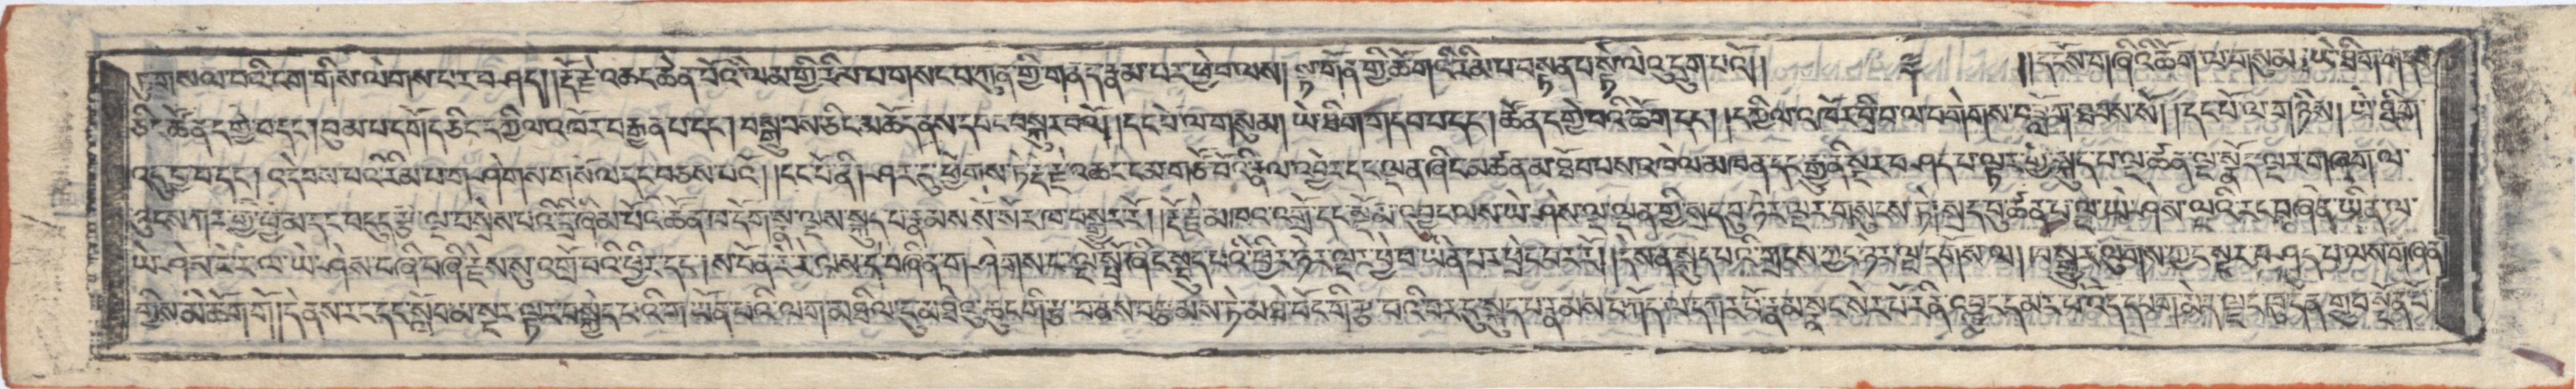ཏུ་གསལ་བའི་ངག་གིས་ལེགས་པར་བཤད། །རྡོ་རྗེ་འཆང་ཆེན་པོའི་ལམ་གྱི་རིམ་པ་གསང་བ་ཀུན་གྱི་གནད་རྣམ་པར་ཕྱེ་བ་ལས། སྟ་གོན་གྱི་ཆོ་གའི་རིམ་པ་བསྟན་པ་སྟེ་ལེའུ་དྲུག་པའོ།། ༈ །།དངོས་གཞིའི་ཆོག་ལ་གསུམ། ཡེ་ཐིག་གདབ་
ཅིང་ཚོན་དགྱེ་བ་དང་། བུམ་པ་དགོད་ཅིང་དཀྱིལ་འཁོར་བརྒྱན་པ་དང་། བསྒྲུབས་ཅིང་མཆོད་ནས་དབང་བསྐུར་བའོ། །དང་པོ་ལ་གསུམ། ཡེ་ཐིག་གདབ་པ་དང་། ཚོན་དགྱེ་བའི་ཆོ་ག་དང་། །དཀྱིལ་འཁོར་བྲི་བ་ལ་བགེགས་བཟློག་ཐབས་སོ། །དང་པོ་ལ་གཉིས། ཡེ་ཐིག་
འདུ་བྱ་བ་དང་། འདེབས་པའི་རིམ་པ་གཤེགས་གསོལ་དང་བཅས་པའོ། །དང་པོ་ནི། ཤར་དུ་ཕྱོགས་ཏེ་རྡོ་རྗེ་འཆང་ངམ་གཙོ་བོའི་རྣལ་འབྱོར་དང་ལྡན་ཞིང་མཚན་མ་ཐོབ་པས་འཁེལ་མཁན་དང་རྒྱུ་ནི་སྔར་བཤད་པ་ལྟར་གྱི་སྐུད་པ་ལྔ་ཚན་ལྔ་སྣོད་ལྔར་གཞག་ལ་
ཉུངས་ཀར་གྱི་ཕྱི་མ་དང་བདུད་རྩི་ལྔ་བསྲེས་པའི་དྲི་ཞིམ་པོའི་ཚོན་ཁ་དོག་སྣ་ལྔས་སྐུད་པ་རྣམས་སོ་སོར་ཁ་བསྒྱུར་རོ། །རྡོ་རྗེ་མཁའ་འགྲོ་དང་སྡོམ་འབྱུང་ལས་ཡེ་ཤེས་ལྔ་ལྡན་གྱི་སྲད་བུ་ཉེར་ལྔར་གསུངས་ཏེ། སྲད་བུ་ཚན་པ་ལྔ་ཡེ་ཤེས་ལྔའི་རང་བཞིན་ཡིན་ལ་
ཡེ་ཤེས་རེ་རེ་ལ་ཡེ་ཤེས་བཞི་བཞི་རྗེས་སུ་འགྲོ་བའི་ཕྱིར་དང་། ས་བོན་རེ་རེ་ལས་དེ་བཞིན་གཤེགས་པ་ལྔ་སྤྲོ་ཞིང་སྡུད་པའི་ཕྱིར་ཉེར་ལྔར་ཕྱེ་བ་ཡིན་པར་ཕྲེང་བར་རོ། །དེས་ན་སྐུད་པའི་གྲངས་ཀྱང་ཉེར་ལྔ་དགོས་ལ། ཁ་སྒྱུར་ལུགས་ཀྱང་སྔར་བཤད་པ་ལས་གཞན་
གྱིས་མི་ཆོག་གོ །དེ་ནས་རང་དང་སློབ་མ་སྔར་ལྟར་བསྐྱེད་པའི་གཡོན་པའི་ལག་མཐིལ་དུ་མཐེའུ་ཆུང་གི་རྩ་བ་ནས་བརྩམས་ཏེ་མཐེ་བོང་གི་རྩ་བའི་བར་དུ་སྐུད་པ་རྣམས་བཀོད་ལ་དཀར་པོ་རྣམ་སྣང་སེར་པོ་རིན་འབྱུང་དམར་པོ་འོད་དཔག་མེད་ལྗང་ཁུ་དོན་གྲུབ་སྔོན་པོ་